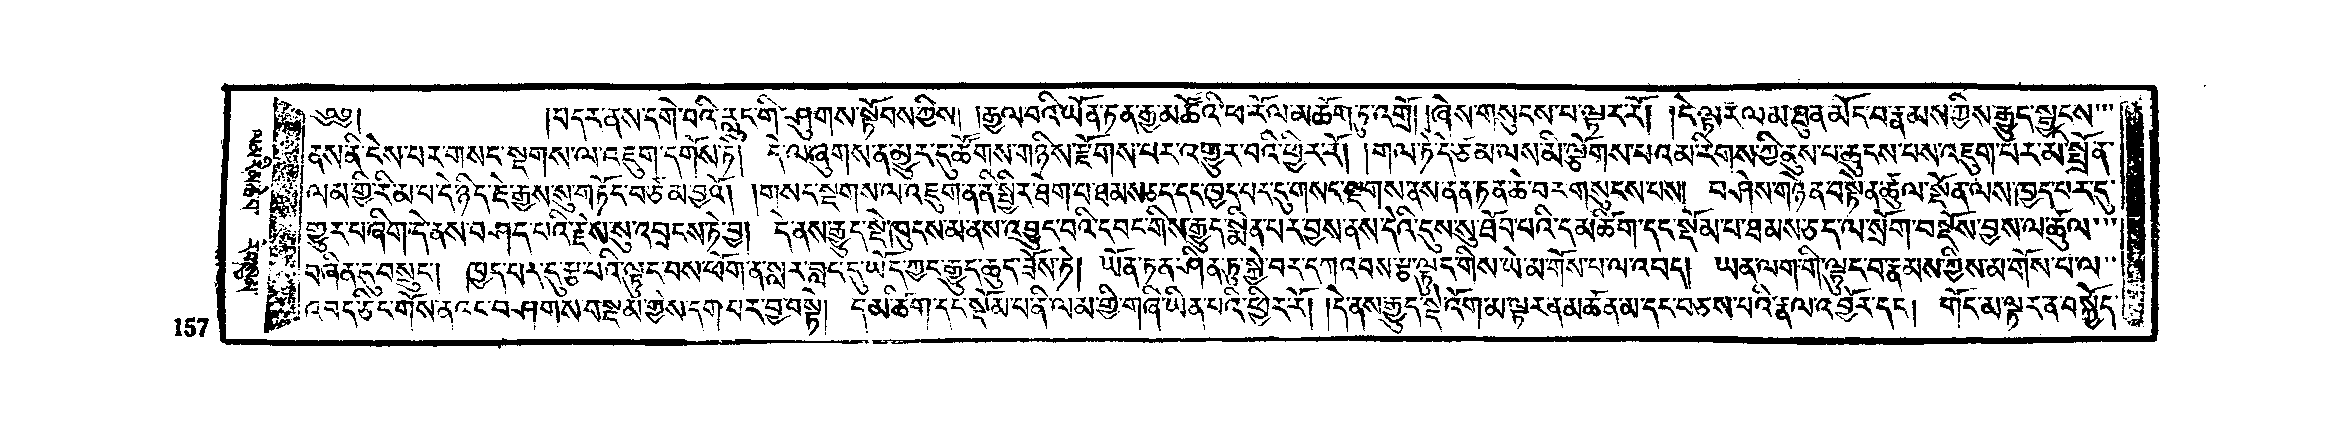༄༅། །བདར་ནས་དགེ་བའི་རླུང་གི་ཤུགས་སྟོབས་ཀྱིས། །རྒྱལ་བའི་ཡོན་ཏན་རྒྱ་མཚོའི་ཕ་རོལ་མཆོག་ཏུ་འགྲོ། །ཞེས་གསུངས་པ་ལྟར་རོ། །དེ་ལྟར་ལམ་ཐུན་མོང་བ་རྣམས་ཀྱིས་རྒྱུད་སྦྱངས་
ནས་ནི་ངེས་པར་གསང་སྔགས་ལ་འཇུག་དགོས་ཏེ། དེ་ལ་ཞུགས་ན་མྱུར་དུ་ཚོགས་གཉིས་རྫོགས་པར་འགྱུར་བའི་ཕྱིར་རོ། །གལ་ཏེ་དེ་ཙམ་ལས་མི་ལྕོགས་པའམ་རིགས་ཀྱི་ནུས་པ་ཆུངས་པས་འཇུག་པར་མི་སྤྲོ་ན་
ལམ་གྱི་རིམ་པ་དེ་ཉིད་ཇེ་རྒྱས་སུ་གཏོང་བ་ཙམ་བྱའོ། །གསང་སྔགས་ལ་འཇུག་ན་ནི་སྤྱིར་ཐེག་པ་ཐམས་ཅད་དང་ཁྱད་པར་དུ་གསང་སྔགས་ནས་ནན་ཏན་ཆེ་བར་གསུངས་པས། བཤེས་གཉེན་བསྟེན་ཚུལ་སྔོན་ལས་ཁྱད་པར་དུ་
གྱུར་པ་ཞིག་དེ་ནས་བཤད་པའི་རྗེས་སུ་འབྲངས་ཏེ་བྱ། དེ་ནས་རྒྱུད་སྡེ་ཁུངས་མ་ནས་འབྱུང་བའི་དབང་གིས་རྒྱུད་སྨིན་པར་བྱས་ནས་དེའི་དུས་སུ་ཐོབ་པའི་དམ་ཚིག་དང་སྡོམ་པ་ཐམས་ཅད་ལ་སྲོག་བསྡོས་བྱས་ལ་ཚུལ་
བཞིན་དུ་བསྲུང་། ཁྱད་པར་དུ་རྩ་བའི་ལྟུང་བས་ཕོག་ན་སླར་བླང་དུ་ཡོད་ཀྱང་རྒྱུད་ཆུད་ཟོས་ཏེ། ཡོན་ཏན་ཤིན་ཏུ་སྐྱེ་བར་དཀའ་བས་རྩ་ལྟུང་གིས་ཡེ་མ་གོས་པ་ལ་འབད། ཡན་ལག་གི་ལྟུང་བ་རྣམས་ཀྱིས་མ་གོས་པ་ལ་
འབད་ཅིང་གོས་ནའང་བཤགས་བ་སྔམ་གྱིས་དག་པར་བྱ་བསྟེ། དམ་ཚིག་དང་སྡོམ་པ་ནི་ལམ་གྱི་གཞི་ཡིན་པའི་ཕྱིར་རོ། །དེ་ནས་རྒྱུད་སྡེ་འོག་མ་ལྟར་ན་མཚན་མ་དང་བཅས་པའི་རྣལ་འབྱོར་དང་། གོང་མ་ལྟར་ན་བསྐྱེད་